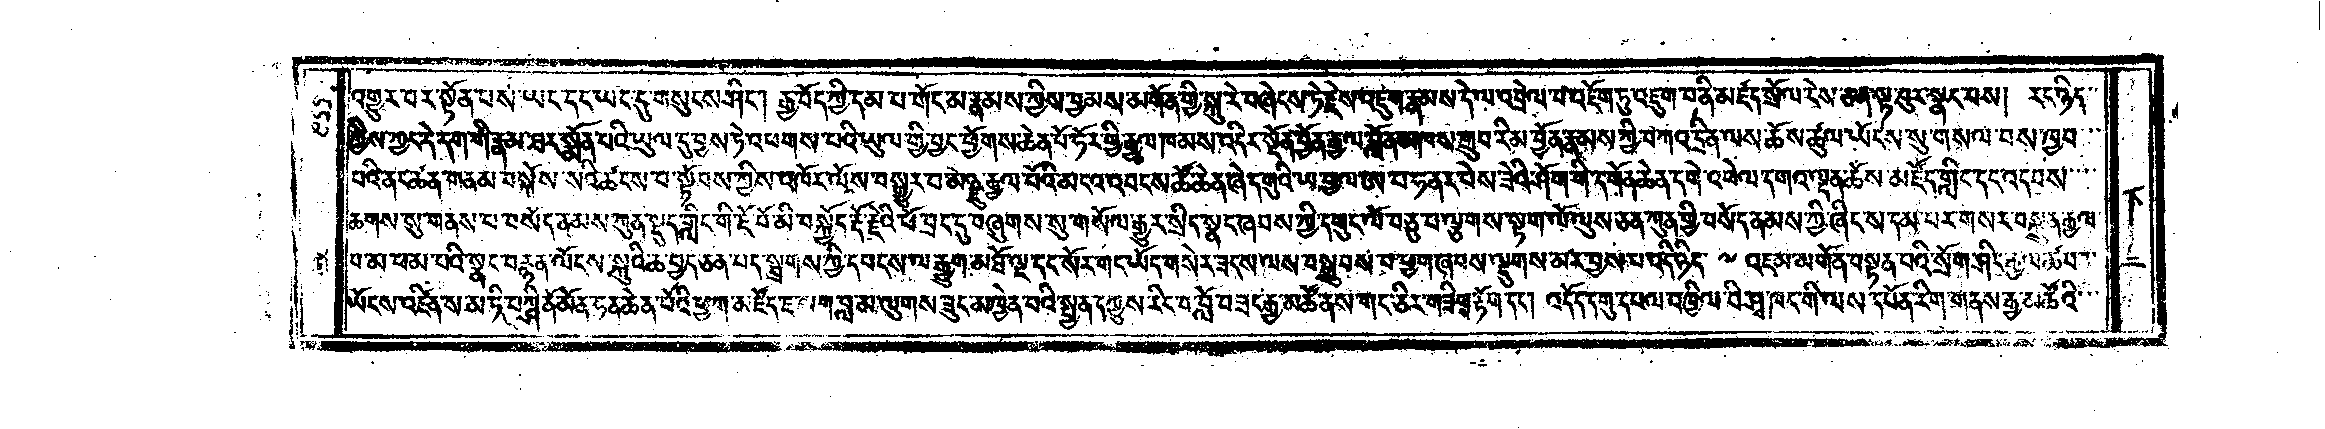འགྱུར་བར་སྟོན་པས་ཡང་དང་ཡང་དུ་གསུངས་ཤིང་། རྒྱ་བོད་ཀྱི་དམ་པ་གོང་མ་རྣམས་ཀྱིས་བྱམས་མགོན་གྱི་སྐུ་རེ་བཞེངས་ཏེ་རྗེས་འཇུག་རྣམས་དེ་ལ་འབྲེལ་བ་འཇོག་ཏུ་འཇུག་པ་ནི་མཛད་སྲོལ་ངེས་ཅན་ལྟ་བུར་སྣང་བས། རང་ཉིད་
ཀྱིས་ཀྱང་དེ་དག་གི་རྣམ་ཐར་སྨོན་པའི་ཡུལ་དུ་བྱས་ཏེ་འཕགས་པའི་ཡུལ་གྱི་བྱང་ཕྱོགས་ཆེན་པོ་ཧོར་གྱི་རྒྱལ་ཁམས་འདིར་སྔོན་བྱོན་རྒྱལ་བློན་མཁས་གྲུབ་རིམ་བྱོན་རྣམས་ཀྱི་བཀའ་དྲིན་ལས་ཆོས་ཚུལ་ཡོངས་སུ་གསལ་བས་ཁྱབ་
པའི་ནང་ཚན་གནམ་བསྐོས་སའི་ཚངས་པ་སྟོབས་ཀྱིས་འཁོར་ལོས་བསྒྱུར་བ་མཉྫུ་རྒྱལ་པོའི་མངའ་འབངས་ཚོ་ཆེན་ཞེ་དགུའི་ཡ་གྱལ་ཨ་པ་ཧ་ནར་པེས་ཟེའི་ཤོག་གི་དགོན་ཆེན་དགེ་འཕེལ་དགའ་ལྡན་ཆོས་མཛོད་གླིང་དང་འདབས་
ཆགས་སུ་གནས་པ་བསོད་ནམས་ཀུན་སྡུད་གླིང་གི་ཇོ་བོ་མི་བསྐྱོད་རྡོ་རྗེའི་ཕོ་བྲང་དུ་བཞུགས་སུ་གསོལ་རྒྱུར་སྲིད་སྣང་ཞབས་ཀྱི་དགུང་ལོ་བཅུ་པ་ལྕགས་སྟག་ལོ་ལུས་ཅན་ཀུན་གྱི་བསོད་ནམས་ཀྱི་ཞིང་ས་དམ་པར་གསར་བསྐྲུན་རྒྱལ་
བ་མ་ཕམ་པའི་སྣང་བརྙན་ལོངས་སྐུའི་ཆ་བྱད?་ཅན་པང?་སྦྲགས་ཀྱི་དཔངས་ལ་རྒྱུག་མཐོ་ལྔ་དང་སོར་གང་ཡོད་གསེར་ཟངས་ལས་བསྒྲུབས་པ་ཕྱག་ཞབས་ལྡུགས་མར་བྱས་པ་འདི་ཉིད ༧་འཇམ་མགོན་བསྟན་པའི་སྲོག་ཤིང་རྒྱལ་ཚབ་
ཡོངས་འཛིན་ས་མ་ཏི་པཀྴི་ནོ་མོན་ཧན་ཆེན་པོའི་ཕྱག་མཛོད་ཇ་སག་བླ་མ་ལུགས་ཟུང་མཁྱེན་པའི་སྤྱན་དཀྱུས་རིང་བ་བློ་བཟང་རྒྱ་མཚོ་ནས་གང་ཅིར་གཟིགས་རྟོག་དང་། འདོད་དགུ་དཔལ་འཁྱིལ་བི་ཤྭ་ཁང་གི་ལས་དཔོན་རིག་གནས་རྒྱ་མཚོའི་